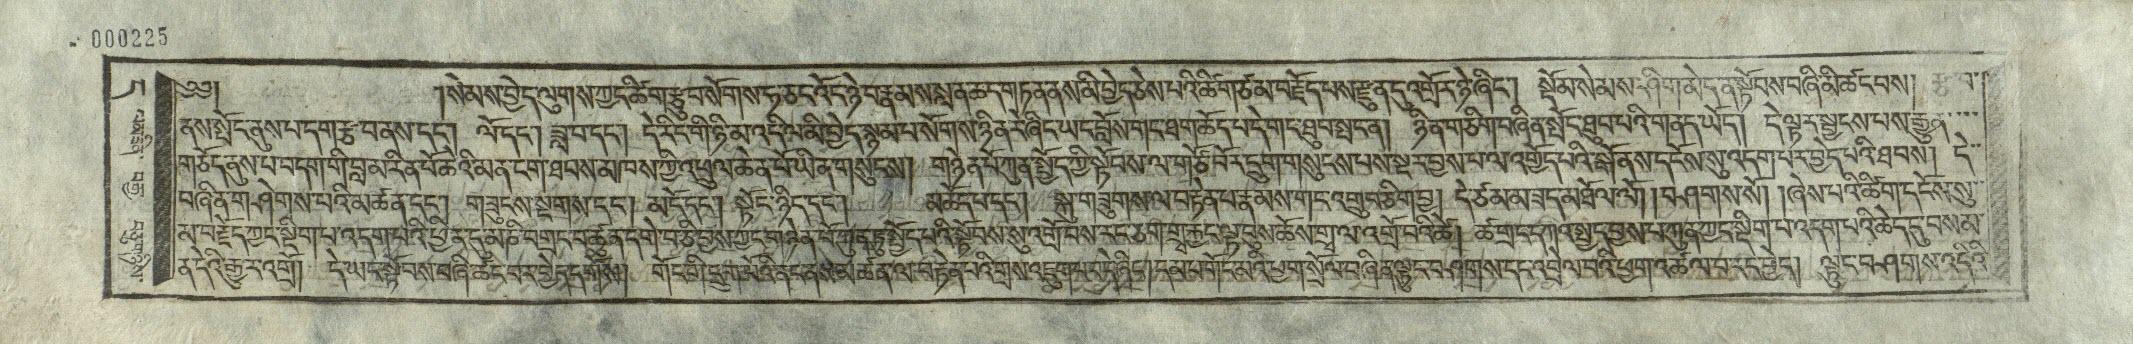༄༅། །སེམས་བྱེད་ལུགས་ཀྱང་ཚིག་རྩུབ་སོགས་ཧ་ཅང་འོང་ཉེ་བ་རྣམས་སླན་ཆད་གཏན་ནས་མི་བྱེད་ཅེས་པའི་ཚིག་ཙམ་བརྗོད་པས་རྫུན་དུ་འགྲོར་ཉེ་ཞིང་། སྡོམ་སེམས་ཤིག་མེད་ན་སྟོབས་བཞི་མི་ཚང་བས། རྩ་བ་
ནས་སྤོང་ནུས་པ་དག་རྩ་བ་ནས་དང་། ལོ་དང་། ཟླ་བ་དང་། དེ་རིང་གི་ཉི་མ་འདི་ལ་མི་བྱེད་སྙམ་པ་སོགས་ཉིན་རེ་ཞིང་ཡང་བློས་གང་ཐག་ཆོད་པ་དེ་གང་ཐུབ་སྤང་ན། ཉིན་གཅིག་བཞིན་སྤོང་ཐུབ་པའི་གནད་ཡོད། དེ་ལྟར་སྦྱངས་པས་རྒྱུན་
གཅོད་ནུས་པ་བདག་གི་བླ་མ་རིན་པོ་ཆེའི་མན་ངག་ཐབས་མཁས་ཀྱི་འཕྲུལ་ཆེན་པོ་ཡིན་གསུངས། གཉེན་པོ་ཀུན་སྤྱོད་ཀྱི་སྟོབས་ལ་གཙོ་བོར་དྲུག་གསུངས་པས་སྔར་བྱས་པ་ལ་འགྱོད་པའི་སྒོ་ནས་དངོས་སུ་འདག་པར་བྱེད་པའི་ཐབས། དེ་
བཞིན་གཤེགས་པའི་མཚན་དང་། གཟུངས་སྔགས་དང་། མདོ་དང་། སྟོང་ཉིད་དང་། མཆོད་པ་དང་། སྐུ་གཟུགས་ལ་བརྟེན་པ་རྣམས་གང་འགྲུབ་ཅིག་བྱ། དེ་ཙམ་མ་ཟད་མཐོལ་ལོ། །བཤགས་སོ། །ཞེས་པའི་ཚིག་དངོས་སུ་
མ་བརྗོད་ཀྱང་སྡིག་པ་འདག་པའི་ཕྱིར་དུ་མ་ཎི་བགྲང་བ་ཚུན་དགེ་བ་ཅི་བྱས་ཀྱང་གཉེན་པོ་ཀུན་ཏུ་སྤྱོད་པའི་སྟོབས་སུ་འགྲོ་བས་རང་ཅག་གྲྭ་རྐྱང་ལྟ་བུས་ཆོས་གྲྭ་ལ་འགྲོ་བའི་ཚེ། ཚ་གྲང་དཀའ་སྤྱད་བྱས་པ་ཀུན་ཀྱང་སྡིག་པ་འདག་པའི་ཆེད་དུ་བསམ་
ན་དེའི་རྒྱུར་འགྲོ། དེ་ཡང་སྟོབས་བཞི་ཚང་བར་བྱེད་དགོས། གོང་གི་དྲུག་པོའི་ནང་ནས་མཚན་ལ་བརྟེན་པའི་གྲས་འཇུག་པ་བདེ་ཞིང་། དམ་པ་གོང་མའི་ཕྱག་སྲོལ་བཞིན་ལྟུང་བཤགས་དང་འབྲེལ་བའི་ཕྱག་འཚལ་བ་རང་བྱེད། ལྟུང་བཤགས་འདིའི་